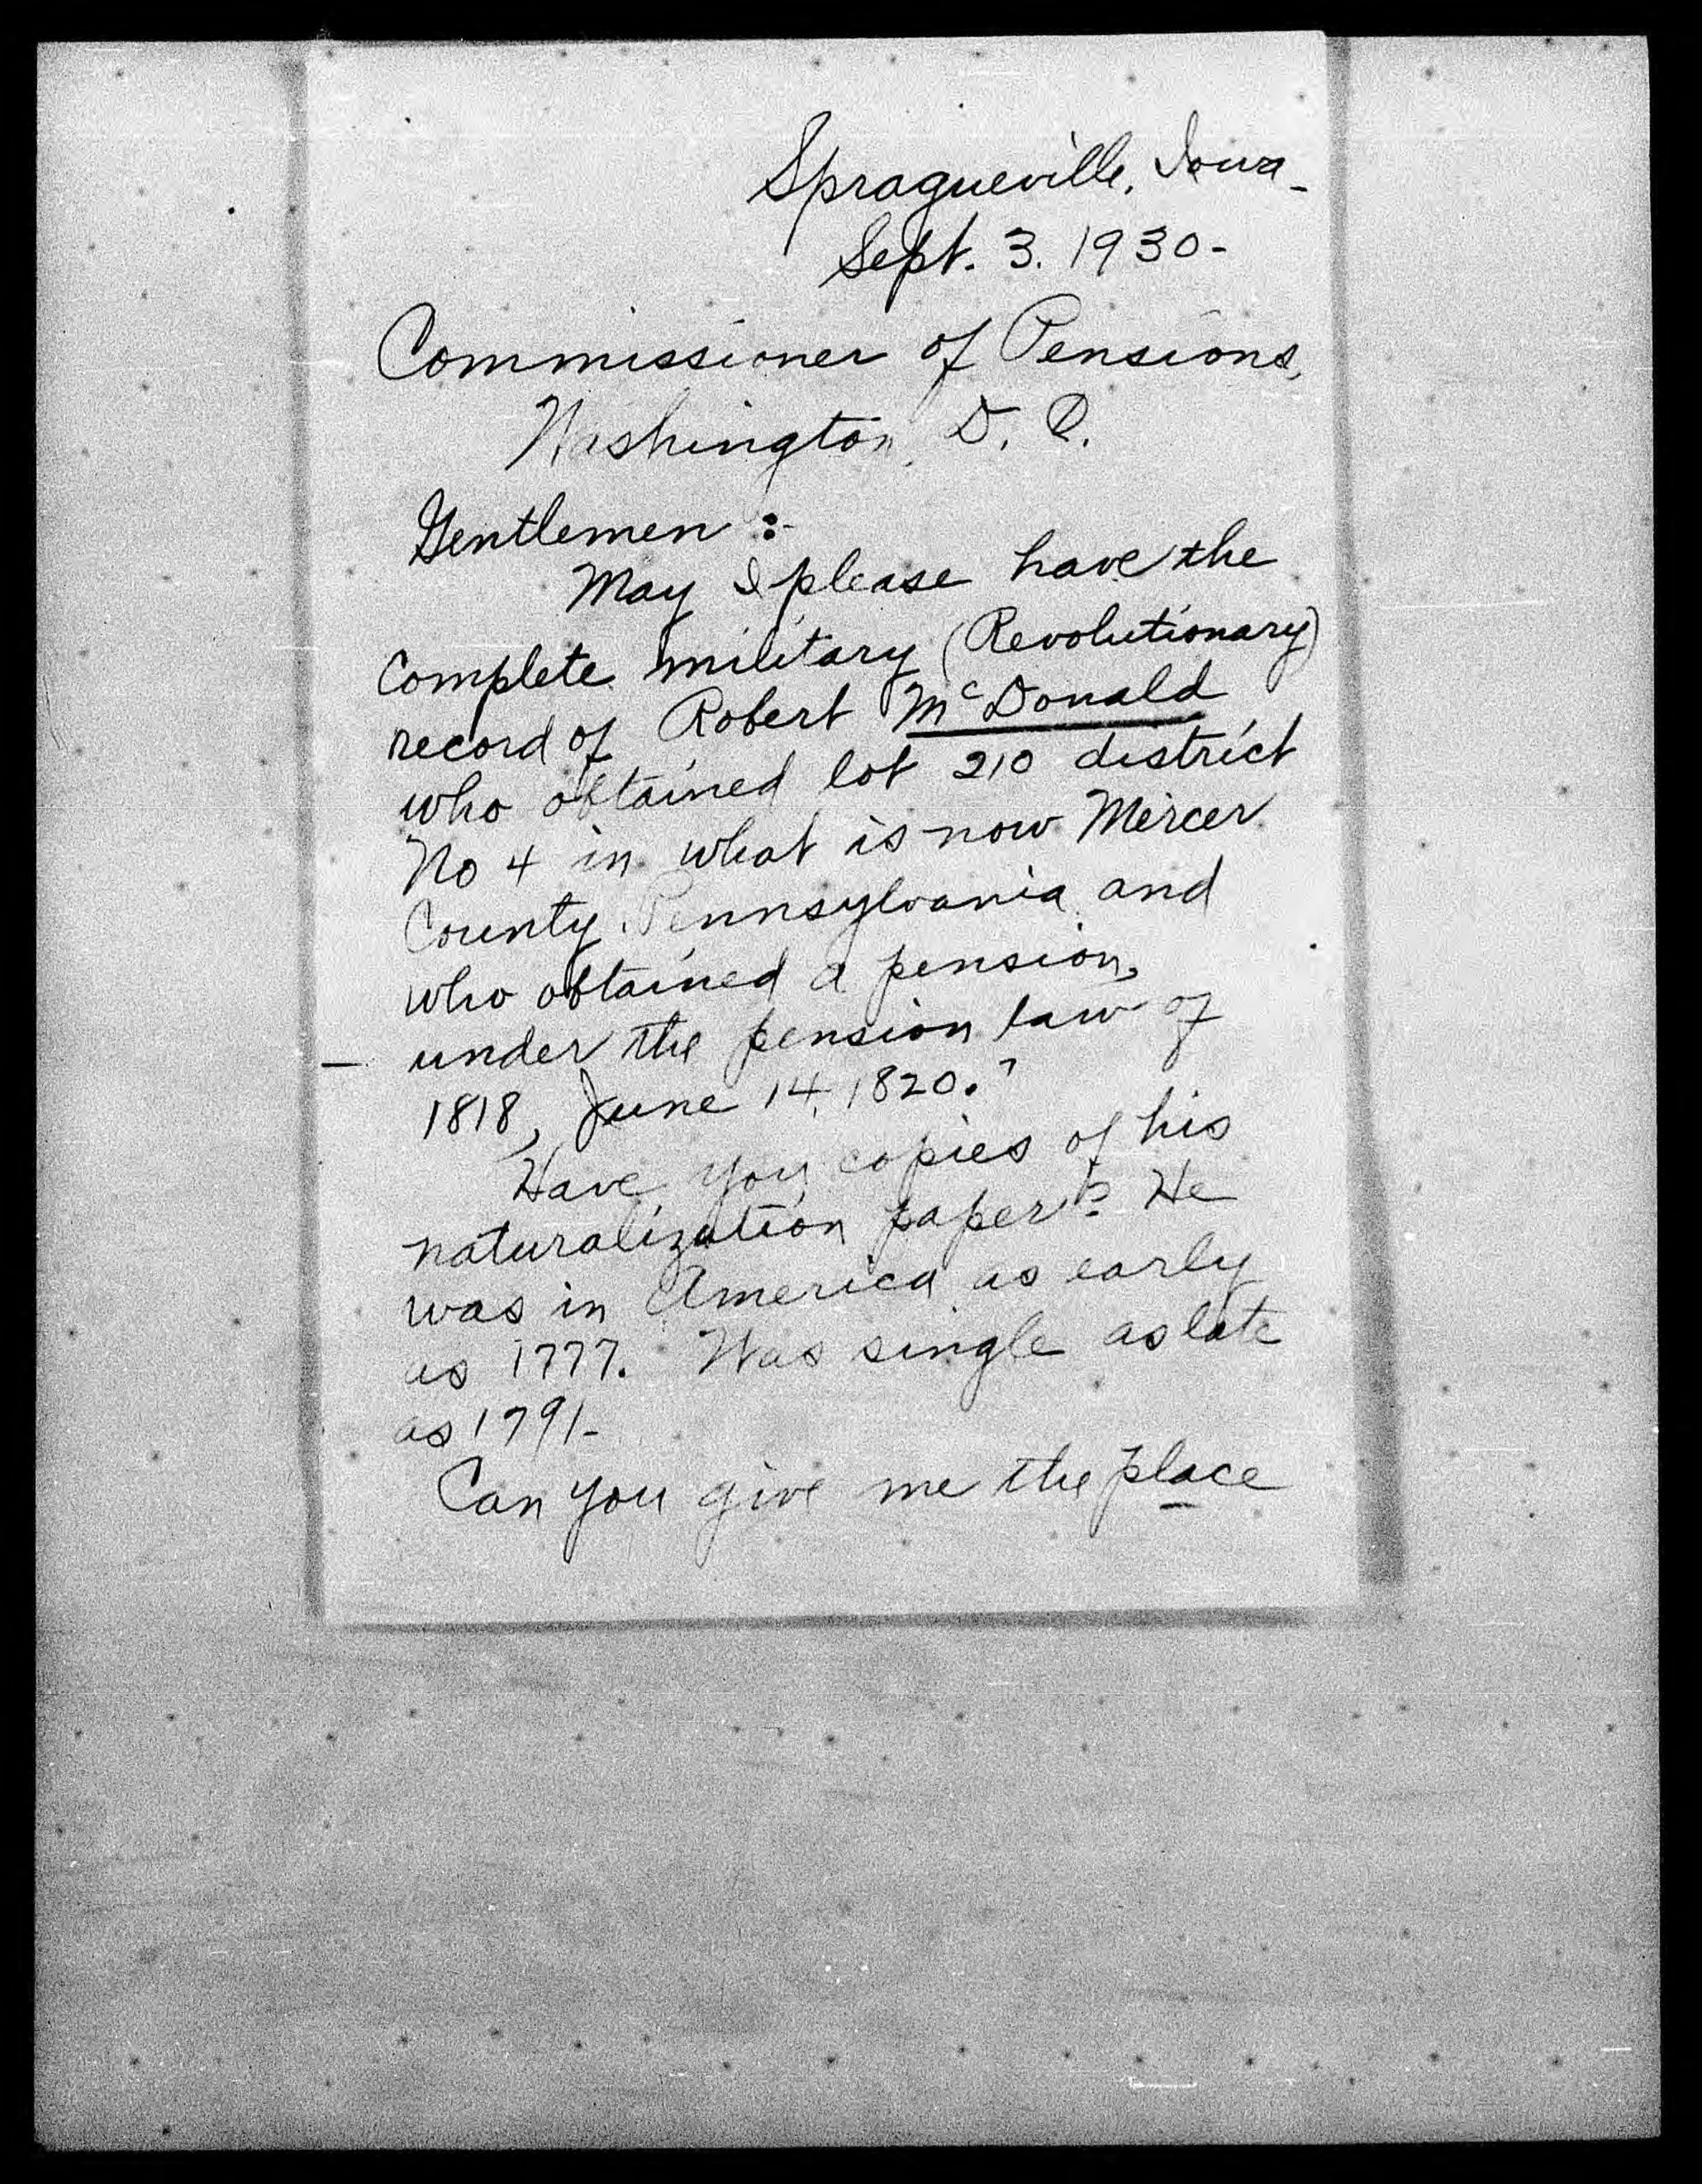Spragueville, Iowa
Sept 3. 1930
Commissioner of Pensions
Washington D.C.
Gentlemen:
May I please have the complete military (Revolutionary) record of Robert McDonald who obtained lot 210 district No 4 in what is now Mercer County, Pennsylvania and who obtained a pension under the pension law of 1818, June 14, 1820.
Have you copies of his naturalization paper? He was in America as early as 1777. Was single as late as late as 1791. Can you give me the place.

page: 54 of 59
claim: widow's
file: W 3703, for Robert Mc Donald, Pennsylvania